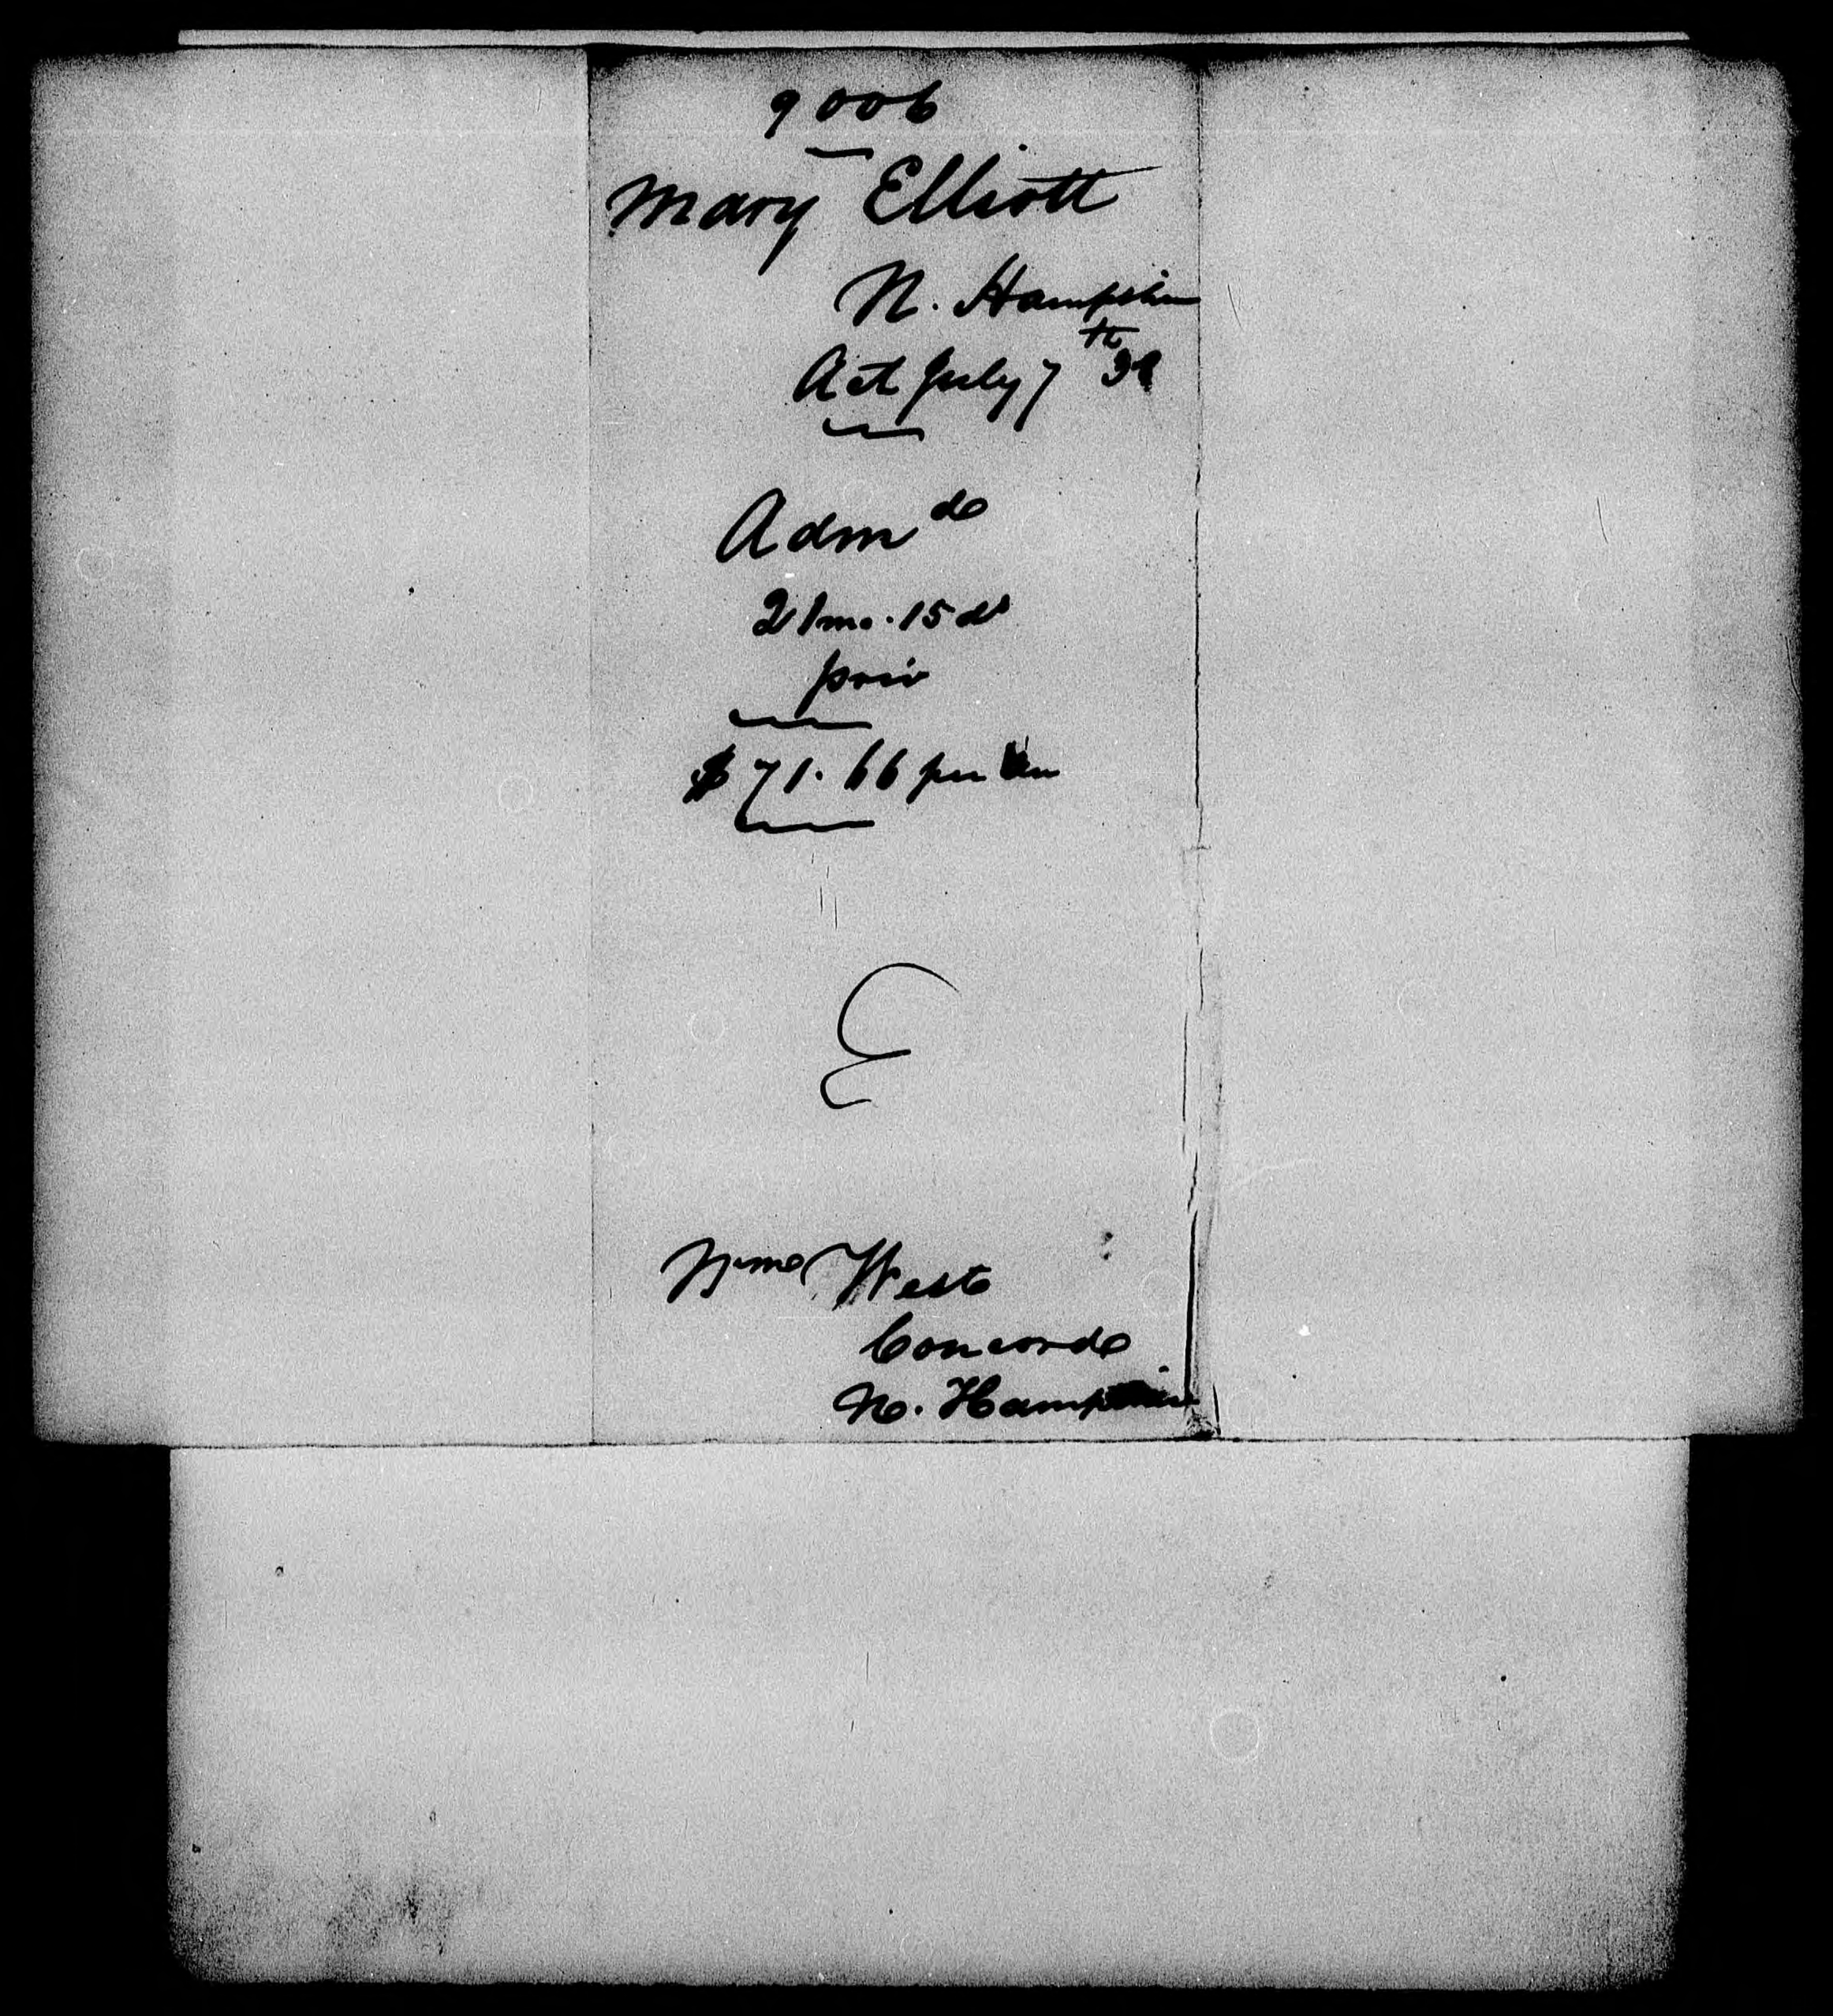9006
Mary Elliott
N. Hampshire
Act July 7 [illegible]
Adm do
21 mo 15 ds
priv
$71.66 per an
⎬
Name West
Concord
N. Hampshire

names: Mary Elliott, Wm West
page: 30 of 57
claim: widow's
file: W. 16,114, John Elliot, Continental (Mass) N.H.